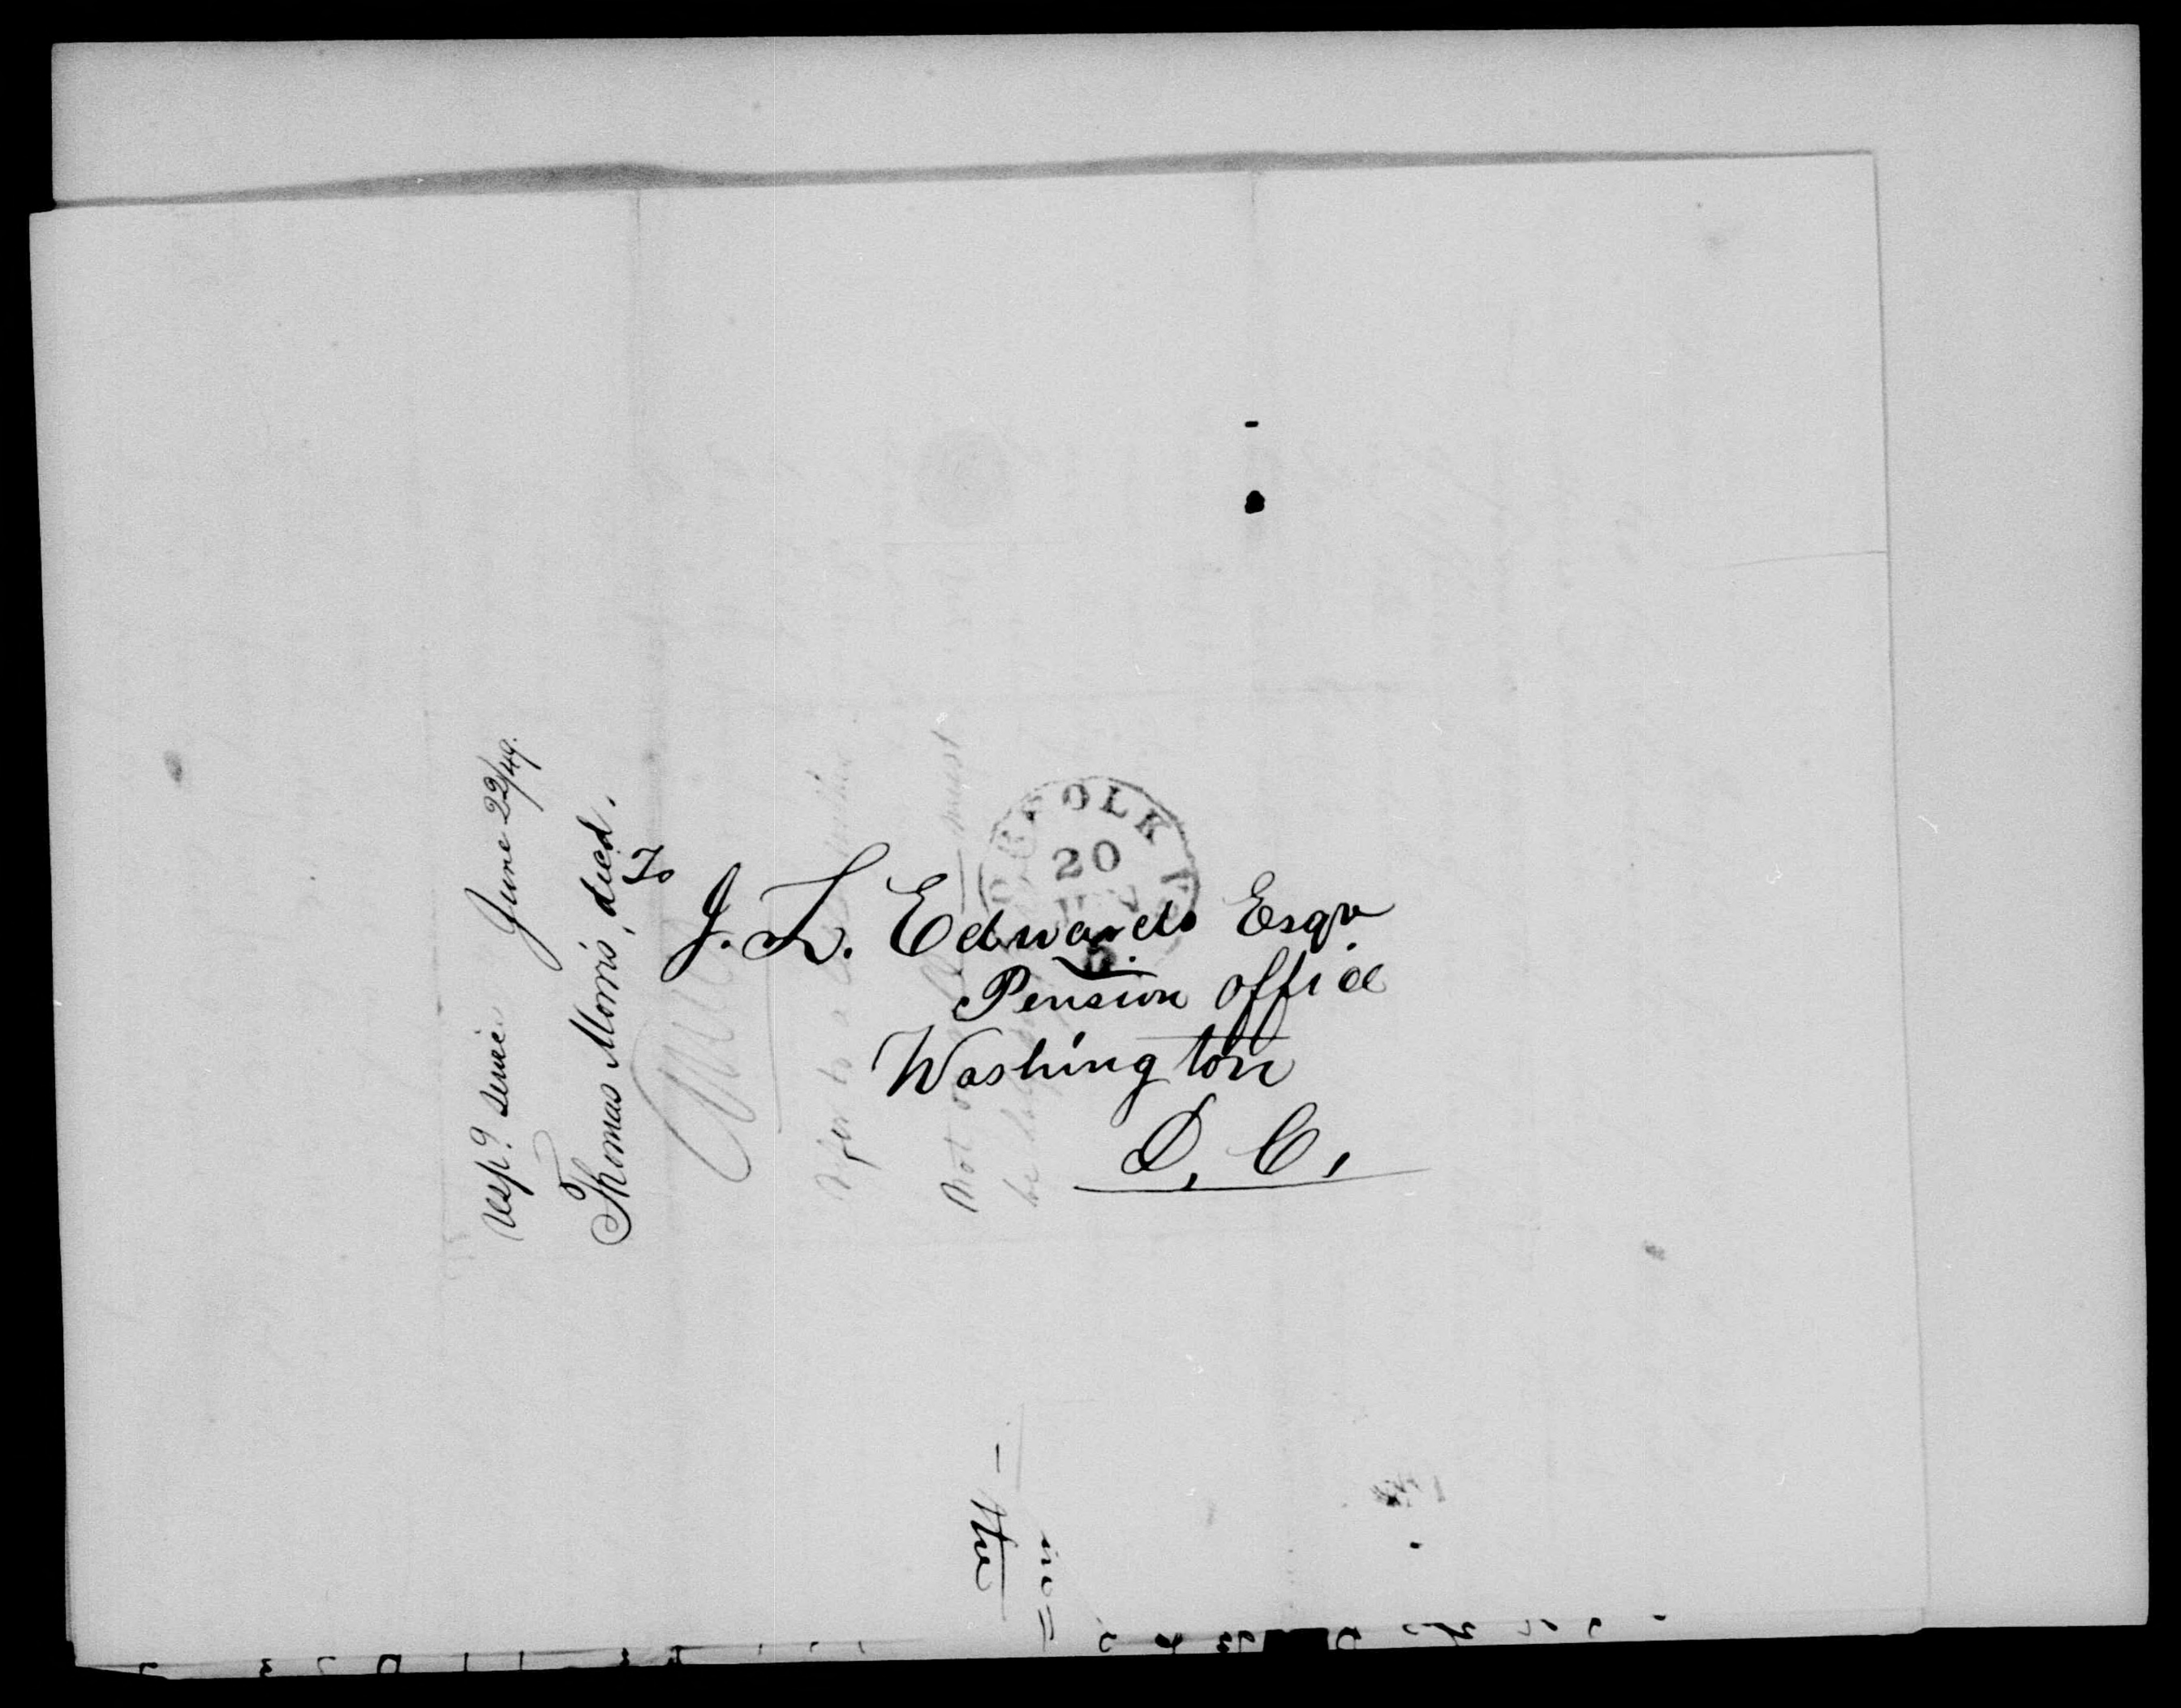[*[illegible] service June 22/49*]
Thomas Morris died
To
J.L. Edwards Esqr
Pension office
Washington
D.C.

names: Thomas Morris; J L Edwards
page: 2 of 30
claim: rejected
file: R. 16,555, for Thomas Morris, Georgia